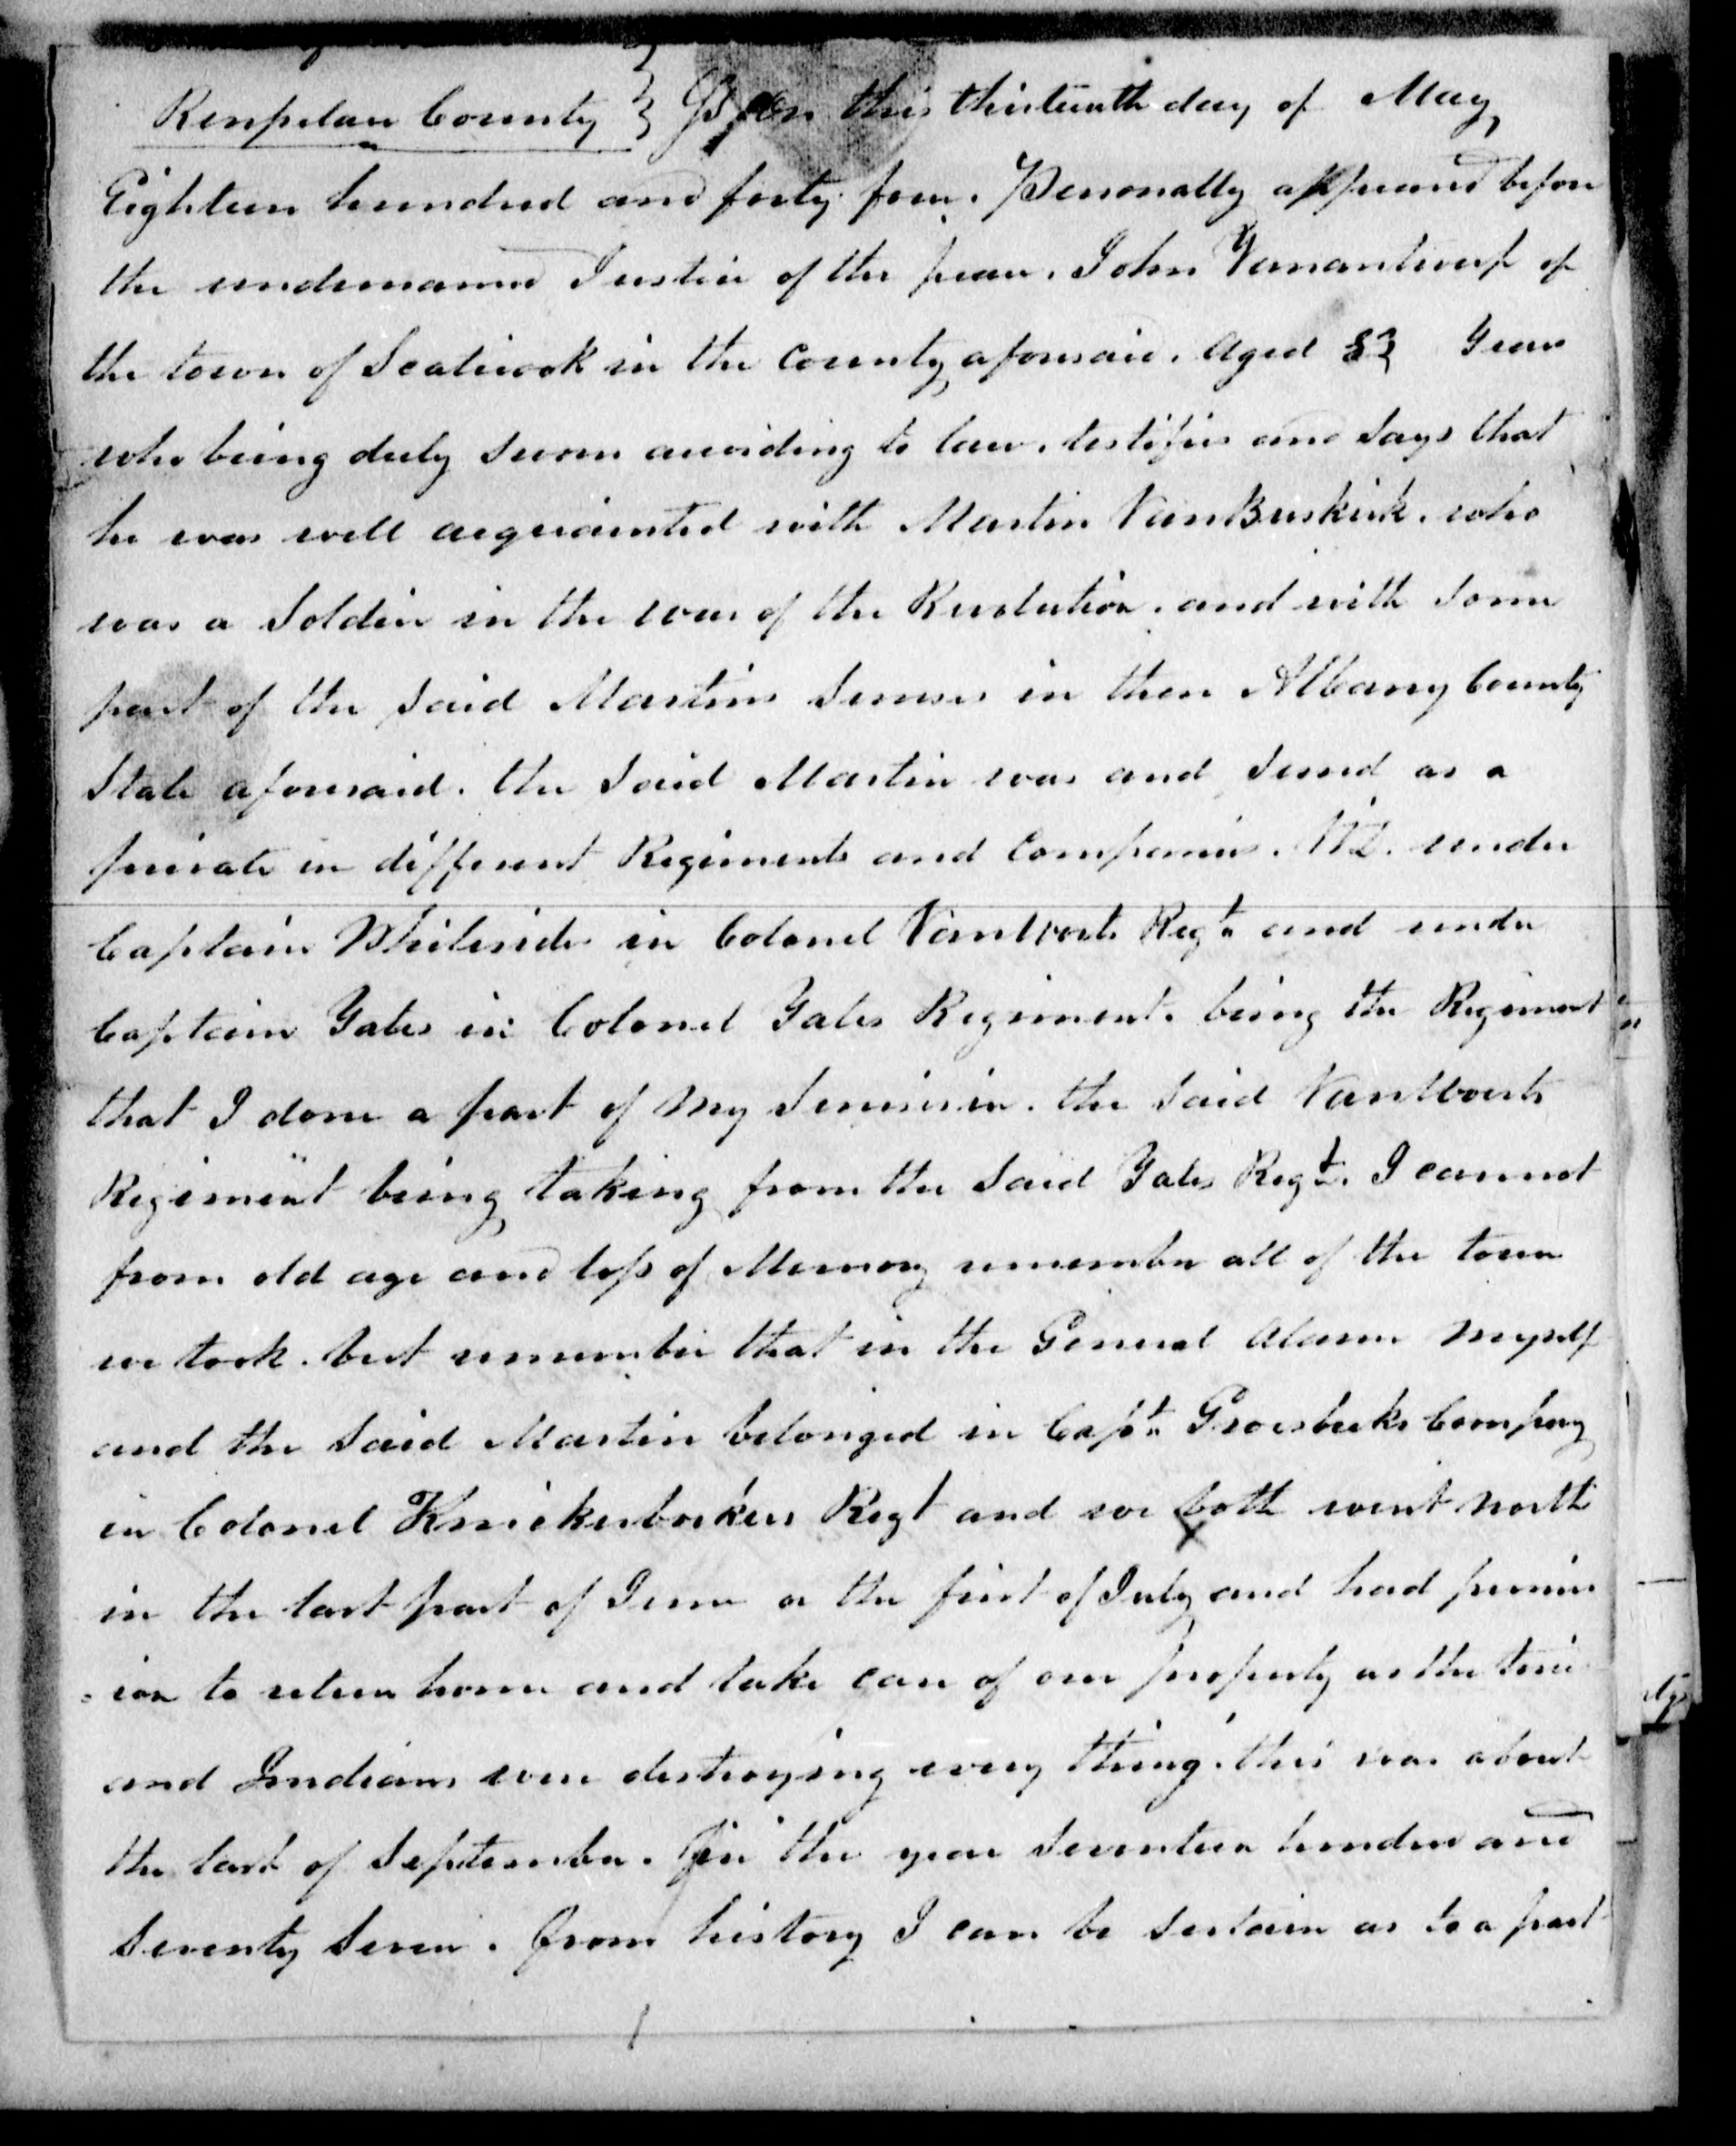State of New York
Rensselaer County  SS
On this thirteenth day of May, Eighteen hundred and forty four.  Personally appeared before the undernamed Justice of the peace, John Vanantwerp of the town of Scaticook [Schaghticoke] in the County aforesaid, aged 83 years who being duly sworn according to law, testifies and says that he was well acquainted with Martin Van Buskirk, who was a soldier in the war of the Revolution, and with some part of the said Martin's Service in then Albany County
State aforesaid. the said Martin was and served as a private in different Regiments and Companies. Viz.  under Captain Whiteside in Colonel VanWoerts Regt and under Captain Yates in Colonel Yates Regiment being the Regiment that I done a part of my Service in the said VanWoerts Regiment being taking from the said Yates Regt. I cannot
from old age and loss of memory remember all of the towns we took. but remember that in the General Alarm myself and the said Martin belonged in Capt Groesbecks Company
in Colonel Knickerbockers Regt and so both went north in the last part of June or the first of July and had permission to return home and take care of our property as the  tories and Indians were destroying every thing. this was about the last of September in the year Seventeen hundred and Seventy Seven. from history I can be sertain [certain] as to a part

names: Martin, Martin, Yates, Martin Van Buskirk, Whiteside, Alann, Martin, John Vanantwerp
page: 9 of 70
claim: rejected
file: R. 10,832, Martin Van Buskirk, New York.